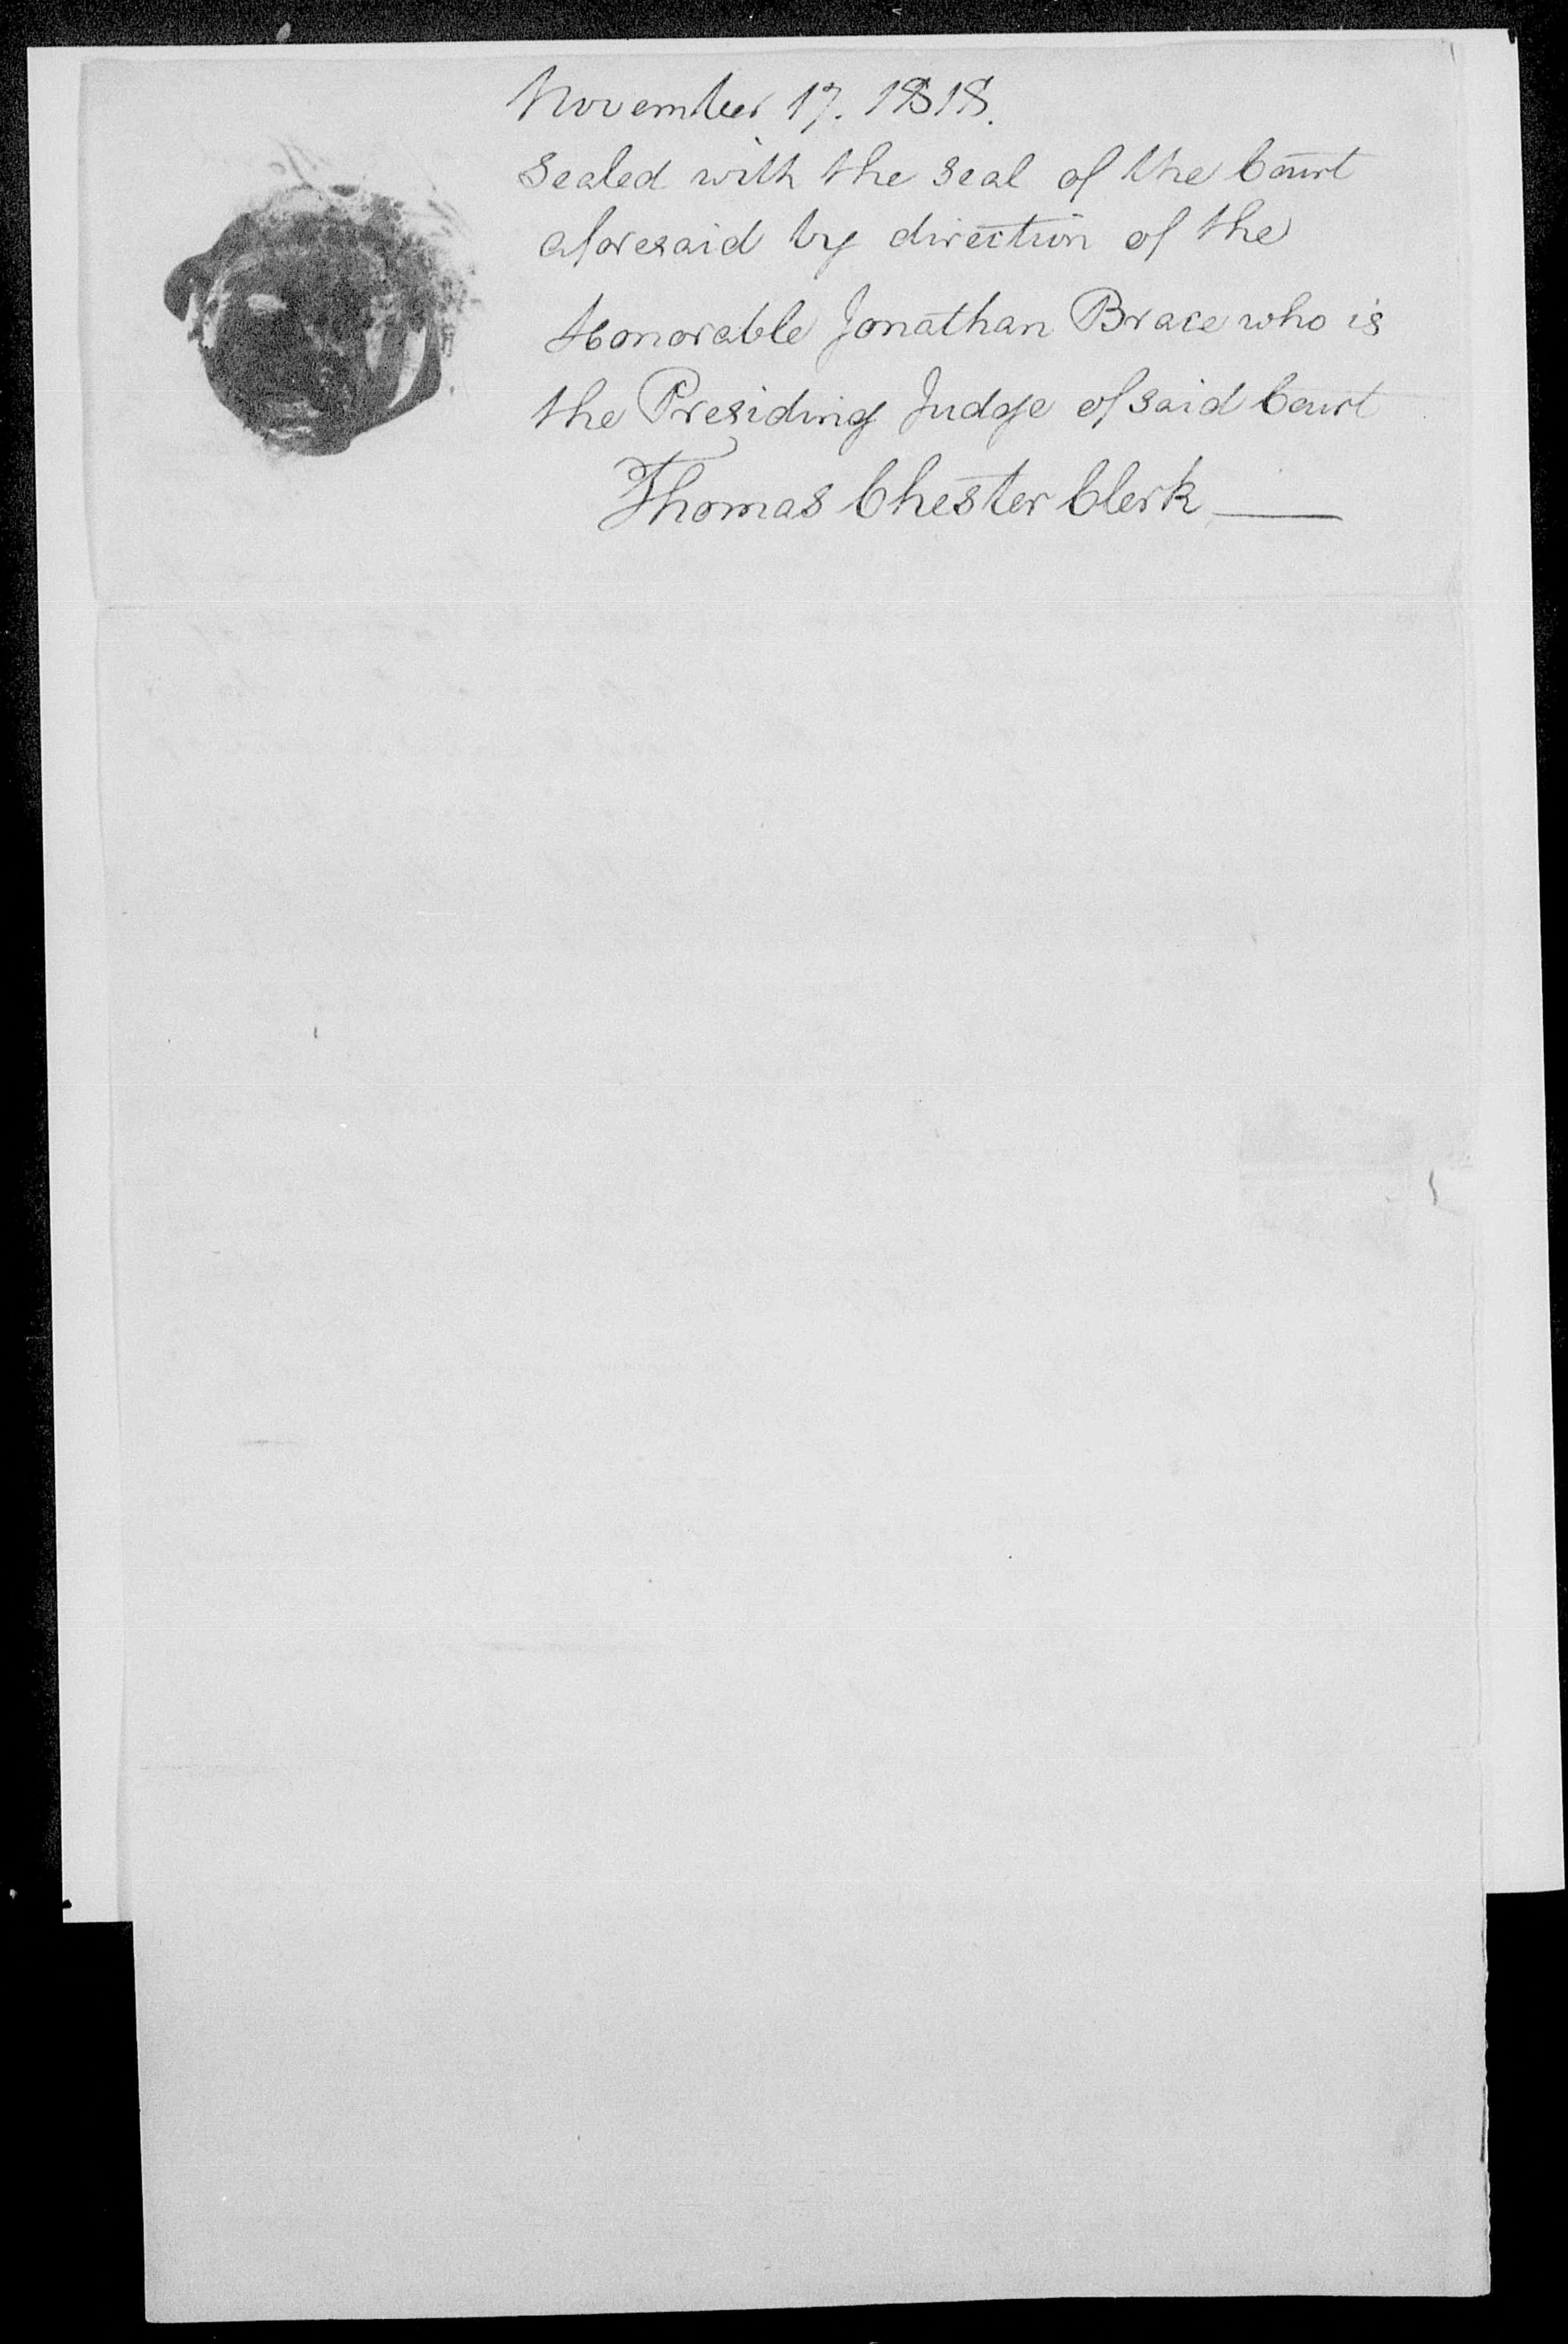November 17, 1818
                   Sealed with the Seal of the Court
                   aforesaid by direction of the
Stamp         Honorable Jonathan Brace who is
                    the Presiding Judge of said Court
affixed                 [Signed]  Thomas Chester Clerk

here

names: Thomas Chester, Jonathan Brace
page: 4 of 40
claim: survivor's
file: S. 36,537 And R. 4034, John Gillet, Conn.